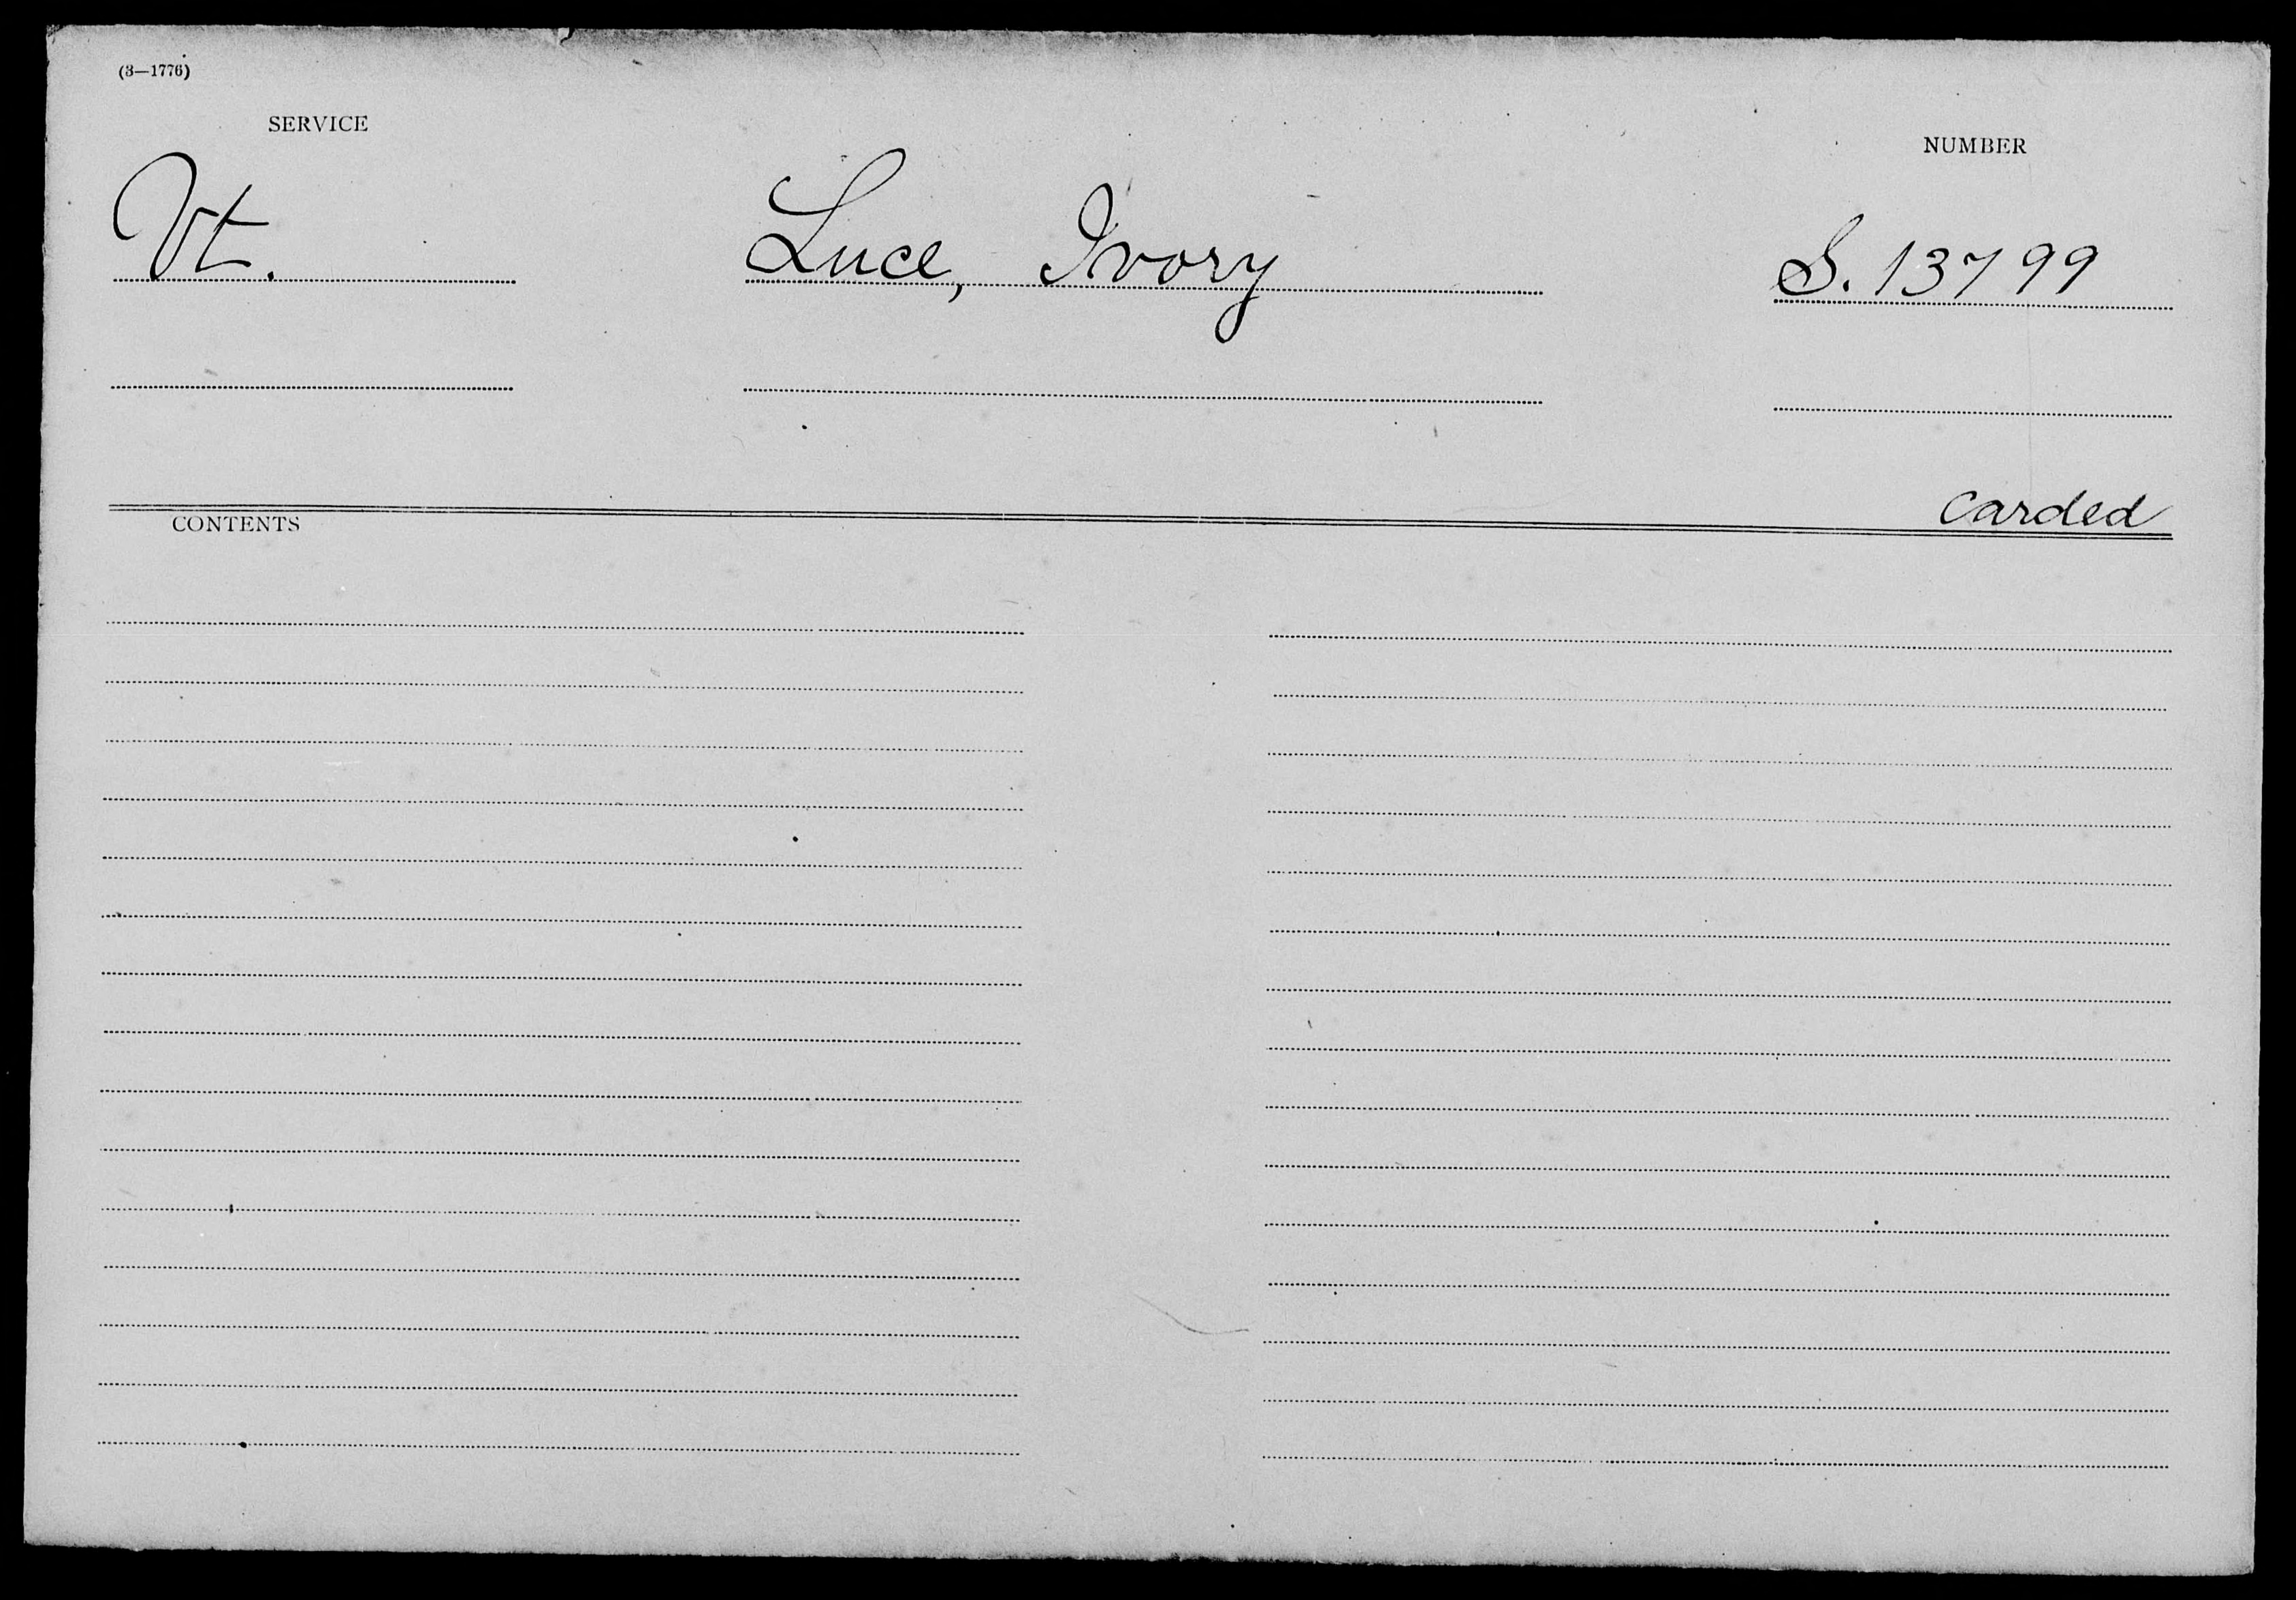SERVICE
Vt. 

Luce, Ivory

NUMBER 
S.13799

carded

CONTENTS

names: Ivory Luce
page: 43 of 70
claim: rejected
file: R. 6510, for Israel Luce, New York